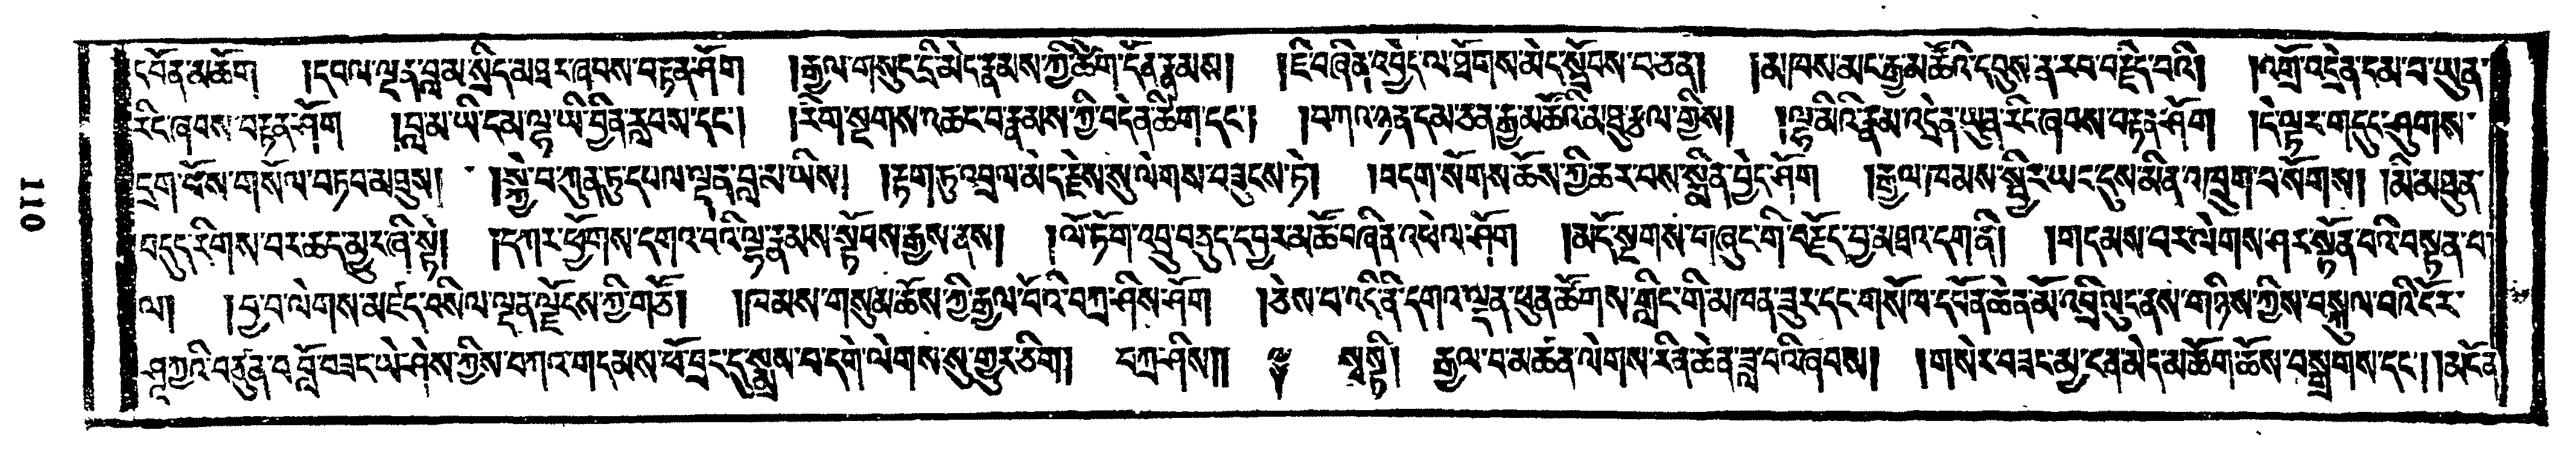དཔོན་མཆོག །དབལ་ལྡན་བླ་མ་སྲིད་མཐར་ཞབས་བརྟན་ཤོག །རྒྱལ་གསུང་དྲི་མེད་རྣམས་ཀྱི་ཚིག་དོན་རྣམས། །ཇི་བཞིན་འབྱེད་ལ་ཐོགས་མེད་སྤོབས་བ་ཅན། །མཁས་མང་རྒྱ་མཚོའི་དབུས་ན་རབ་བརྗིད་བའི། །འགྲོ་འདྲེན་དམ་བ་ཡུན་
རིང་ཞབས་བརྟན་ཤོག །བླ་མ་ཡི་དམ་ལྷ་ཡི་བྱིན་རླབས་དང་། །རིག་སྔགས་འཆང་བ་རྣམས་ཀྱི་བདེན་ཚིག་དང་། །བཀའ་ཉན་དམ་ཅན་རྒྱ་མཚོའི་མཐུ་རྩལ་གྱིས། །ལྷ་མིའི་རྣམ་འདྲེན་ཡུན་རིང་ཞབས་བརྟན་ཤོག །དེ་ལྟར་གདུང་ཤུགས་
དྲག་པོས་གསོལ་བཏབ་མཐུས། །སྐྱེ་བ་ཀུན་ཏུ་དཔལ་ལྡན་བླ་མ་ཡིས། །རྟག་ཏུ་འབྲལ་མེད་རྗེས་སུ་ལེགས་བཟུངས་ཏེ། །བདག་སོགས་ཆོས་ཀྱི་ཆར་བས་སྨིན་བྱེད་ཤོག །རྒྱལ་ཁམས་སྦྱིར་ཡང་དུས་མིན་འཁྲུག་བ་སོགས། །མི་མཐུན་
བདུད་རིགས་པར་ཆད་མྱུར་ཞི་སྟེ། །དཀར་ཕྱོགས་དགའ་བའི་ལྷ་རྣམས་སྟོབས་རྒྱས་ནས། །ལོ་ཏོག་འབྲུ་བཅུད་དབྱར་མཚོ་བཞིན་འཕེལ་ཤོག །མདོ་སྔགས་གཞུང་གི་བརྗོད་བྱ་མཐའ་དག་ནི། །གདམས་བར་ལེགས་ཤར་སྟོན་བའི་བསྟན་པ་
ལ། །བྱ་བ་ལེགས་མཛད་བསིལ་ལྡན་ལྗོངས་ཀྱི་གཙོ། །ཁམས་གསུམ་ཆོས་ཀྱི་རྒྱལ་བོའི་བཀྲ་ཤིས་ཤོག །ཅེས་བ་འདི་ནི་དགའ་ལྡན་ཕུན་ཚོགས་གླིང་གི་མཁན་ཟུར་དང་གསོལ་དཔོན་ཆེན་མོ་འབྲི་ལུང་ནས་གཉིས་ཀྱིས་བསྐུལ་བའི་ངོར་
ཤཱཀྱའི་བཙུན་བ་བློ་བཟང་ཡེ་ཤེས་ཀྱིས་བཀའ་གདམས་ཕོ་བྲང་དུ་སྨྲས་པ་དགེ་ལེགས་སུ་གྱུར་ཅིག། བཀྲ་ཤིས།། ༈ སྭསྟི། རྒྱལ་བ་མཚན་ལེགས་རིན་ཆེན་ཟླ་བའི་ཞབས། །གསེར་བཟང་མྱ་ངན་མེད་མཆོག་ཆོས་བསྒྲགས་དང་། །མངོན་